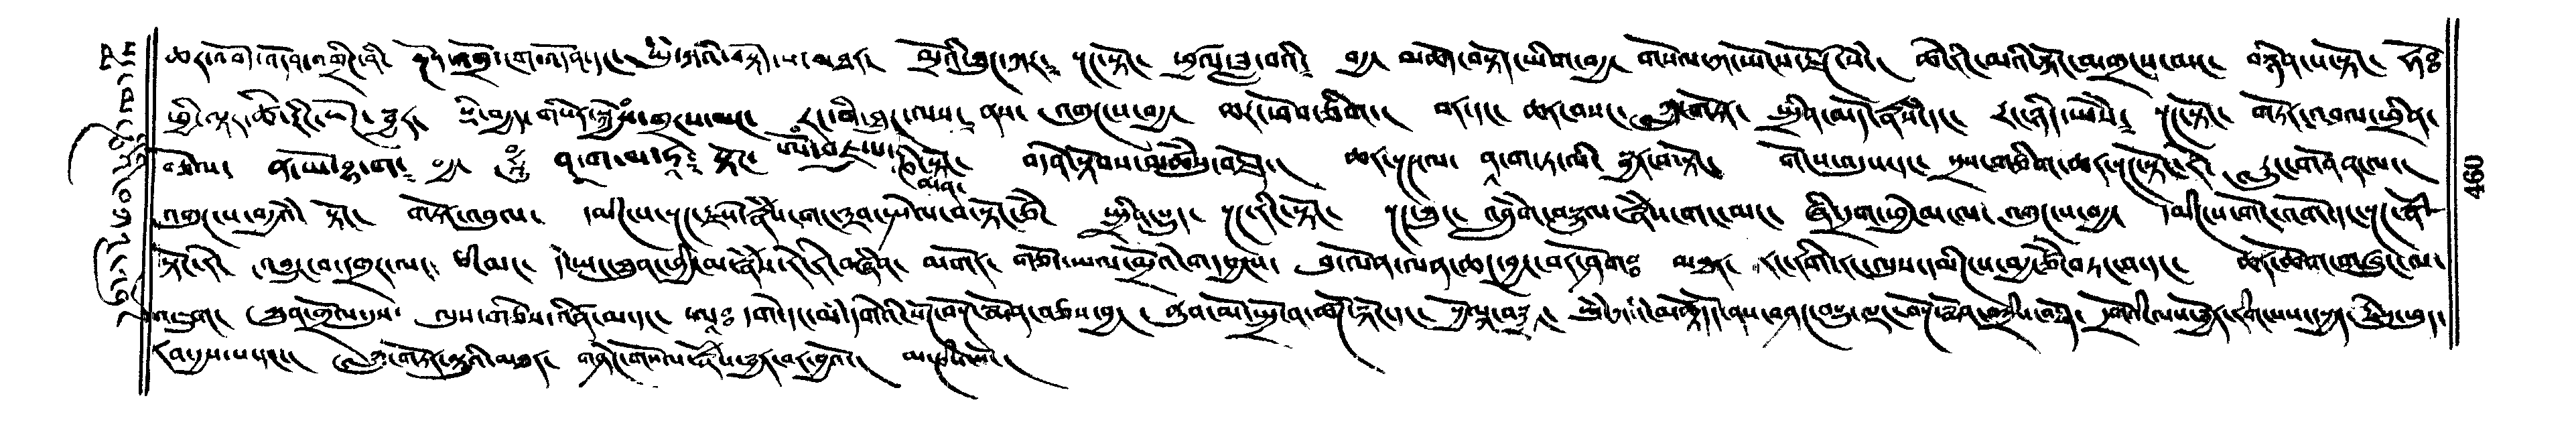༈ ཆར་འབོད་འདོན་འགྲིགས་ནི། སྔོན་འགྲོ་ངག་འདོན་དང་། ཡུམ་ཀའི་བསྟོད་པ་མཐར། མཁའ་འགྲོའི་ཐུགས་ཀར༴ སྔགས་སྟོང་། ཕྱག་འཚལ་ཟླ་བའི༴ བརྒྱ། མཆོད་བསྟོད་ཡིག་བརྒྱ། གསོལ་ཀ་ཡོངས་རྫོགས་སམ། ཚེ་རིང་མའི་སྐོང་བ་གྲངས་མང་། བསྙེན་པ་སྟོང་། ཧོཿ 
ཕྱི་ལྟར་ཚེ་རིང༴ སོགས་སྦྱར། སྡེ་བརྒྱད་གསེར་སྐྱེམས་གྲངས་མང་། རང་གི་ཐུགས་ལས༴ ནས། འགུགས་པ་བརྒྱ། ཆར་ཕོབ་ཅིག བར་དང་། ཆར་བསང་། ཀླུ་གཏོར། སྤྲིན་མདོ་རྣམས་དང་། རང་ཉིད་ཡེ་ཤེས༴ སྔགས་སྟོང་། གཏོར་འབུལ་ཕྲིན་
བཅོལ། ན་མོཿབྷ་ག༴ བརྒྱ། ཧཱུྃཿ ནཱ་ག་མ་ཧཱ༴ སྟོང་། ཨོཾ་བཛྲ་པ་ཎི༴ མན་སྟོང་། བདེན་སྟོབས་མཚམས་སུ་བརྗོད།ཆར་སྔགས་ལ། ནཱ་ག་ཏ་ལི༴ སྦྱར་བ་སྟོང་། དགོངས་འདུས་དང་། སྲས་གཅིག་ཆར་སྔགས་སྟོང་རེ། རླུང་གནོན་ལ། 
འགུགས་པ་བརྒྱའམ་སྟོང་། གཏོར་འབུལ། དམིགས་པ་སྔགས་རྫས་རྣམས་གང་ཟབ་སྤེལ་བ་སྟོང་ཙམ། སྤྲིན་སྡུད། སྔགས་རིང་སྟོང་། སྔགས་ཐུང་། འབྲུ་འབུམ་བསྐུལ་རྣམས་གང་མང་། ཞི་དྲག་ཕྱེད་མ་ལ། འགུགས་པ་བརྒྱ། དམིགས་པ་གོང་འོག་དང་སྔགས་རྣམས་
སྟོང་རེ། འབྱུང་བ་དགྲར་ལང་། ཅི་མང་། དེ་ཡང་ཐུན་ཕྱི་མ་རྣམས་རེ་རེ་བཞིན་མགོར། གཅོད་ཡུལ་མཁའ་འགྲོའི་གད་རྒྱངས། བུ་ལོན་ལན་ཆགས་བྱང་བར་ཤོག མཐར། རང་རིག་རང་ལུས་དམིགས་པ༴ བརྒྱ་ཙམབཏང་བ་དང་། ཆར་ཆོག་གཞུང་ལ་
འཇུག ཐུན་གྲོལ་དུས། ལུས་གཅེས་འཛིན༴ དང་། ཨཱཿ དགེ་དང་མི་དགེའི༴ སོགས་བསྔོ་སྨོན་བཅས་བྱ། ནུབ་མོ་སྤྲོ་ན་ཚོགས་སྐོང་དང་། གསོལ་ཀ་བཀྱགས། ཡུམ་ཀའི་མཆོད་བསྟོད་ནས་བཤགས་པ་བསྡུ་ལྡང་བསྔོ་སྨོན་བཀྲ་ཤིས་བརྗོད། དྲག་པོའི་ལས་སྦྱོར་རིག་པས་དཔྱད་རྗེས་སུ་ཕུད་
རབས་རྒྱས་པ་དང་། ཀླུ་གཏོར་ལྟ་བུའི་མཐར། གཤེགས་གསོལ་རྣམས་སྦྱར་བར་བྱའོ།། པདྨ་མ་ཎིས་སོ།། དགེའོ།།